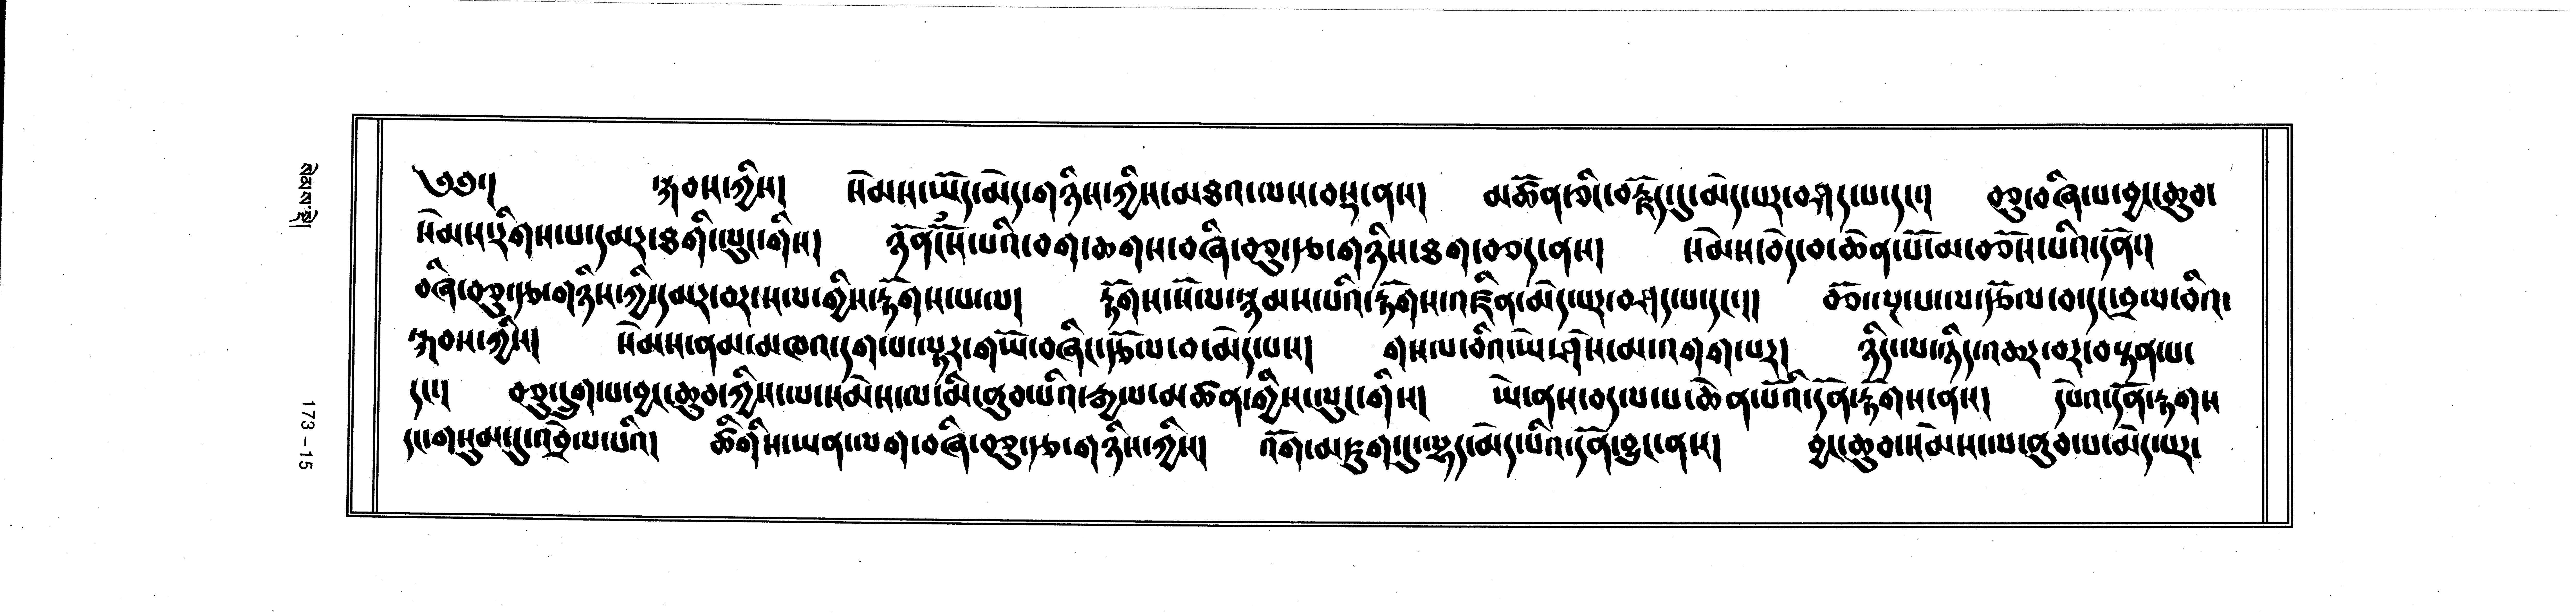སྐབས་ཀྱིས། སེམས་ཡོད་མེད་གཉིས་ཀྱི་མཐའ་ལས་བསྡ་༼བཟླ༽ནས། མཚོན་ཅིང་བརྗོད་དུ་མེད་པར་བཤད་པ་དང་། བཅུ་བཞི་པ་བྱང་ཆུབ་
སེམས་ཀྱི་དམར་ཐག་གི་ལུང་གིས། ཉོན་མོངས་པའི་བག་ཆགས་བཞི་བཅུ་རྩ་གཉིས་ཐག་བཅད་ནས། སེམས་བདེ་བ་ཆེན་པོ་མ་བཅོས་པའི་དོན། 
བཞི་བཅུ་རྩ་གཉིས་ཀྱི་དམར་བར་སལ་གྱིས་རྟོགས་པ་ལ། རྟོགས་སོ་སྙམ་པའི་རྟོགས་འཛིན་མེད་པར་བཤད་པ་དང་། བཅོ་ལྔ་པ་ལ་རྩོལ་བ་དང་བྲལ་བའི་
སྐབས་ཀྱིས། སེམས་ནམ་མཁའ་དག་པ་ལྟར་གཡོ་ཞིང་རྩོལ་བ་མེད་པས། གསལ་བའི་ཡེ་ཤེས་མ་འགག་པར། ཉིད་ལ་ཉིད་འཆར་བར་བསྟན་པ་
དང་། བཅུ་དྲུག་པ་བྱང་ཆུབ་སེམས་ཀྱིས་ལ་སེམས་ལ་མི་ནུབ་པའི་རྒྱལ་མཚན་གྱི་ལུང་གིས། བདལ་པ་ཆེན་པོའི་དོན་རྟོགས་ནས། དཔེ་དོན་རྟགས་
དང་གསུམ་དུ་འབྲེལ་བའི། ཚིགས་གིས་ཡན་ལན་བཞི་བཅུ་རྩ་གཉིས་ཀྱིས། འགོ་མཇུག་ཏུ་ལྷད་མེད་པའི་དོན་བྱུང་ནས། བྱང་ཆུབ་སེམས་ལ་ནུབ་པ་མེད་པར་